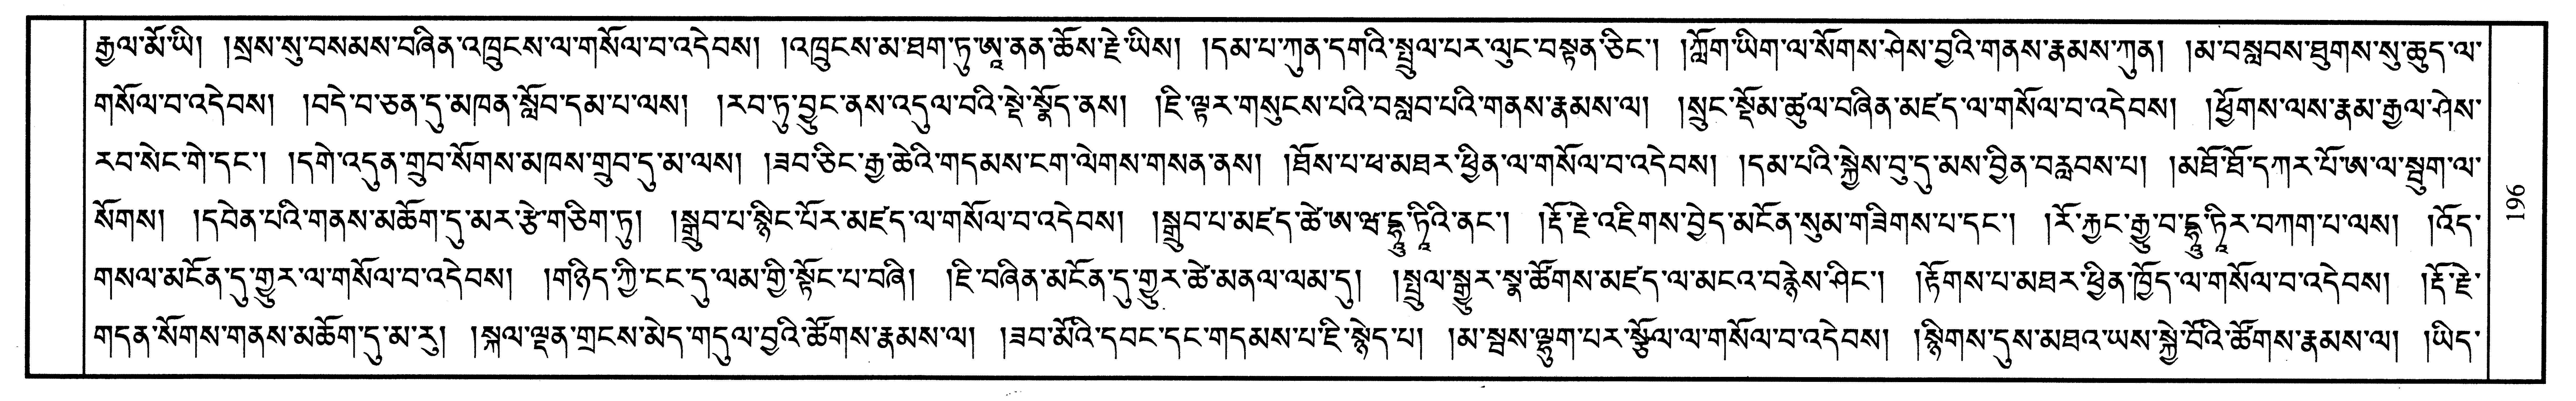རྒྱལ་མོ་ཡི། །སྲས་སུ་བསམས་བཞིན་འཁྲུངས་ལ་གསོལ་བ་འདེབས། །འཁྲུངས་མ་ཐག་ཏུ་ཨཱ་ནན་ཆོས་རྗེ་ཡིས། །དམ་པ་ཀུན་དགའི་སྤྲུལ་པར་ལུང་བསྟན་ཅིང་། །ཀློག་ཡིག་ལ་སོགས་ཤེས་བྱའི་གནས་རྣམས་ཀུན། །མ་བསླབས་ཐུགས་སུ་ཆུད་ལ་
གསོལ་བ་འདེབས། །བདེ་བ་ཅན་དུ་མཁན་སློབ་དམ་པ་ལས། །རབ་ཏུ་བྱུང་ནས་འདུལ་བའི་སྡེ་སྣོད་ནས། །ཇི་ལྟར་གསུངས་པའི་བསླབ་པའི་གནས་རྣམས་ལ། །སྲུང་སྡོམ་ཚུལ་བཞིན་མཛད་ལ་གསོལ་བ་འདེབས། །ཕྱོགས་ལས་རྣམ་རྒྱལ་ཤེས་
རབ་སེང་གེ་དང་། །དགེ་འདུན་གྲུབ་སོགས་མཁས་གྲུབ་དུ་མ་ལས། །ཟབ་ཅིང་རྒྱ་ཆེའི་གདམས་ངག་ལེགས་གསན་ནས། །ཐོས་པ་ཕ་མཐར་ཕྱིན་ལ་གསོལ་བ་འདེབས། །དམ་པའི་སྐྱེས་བུ་དུ་མས་བྱིན་བརླབས་པ། །མཐོ་ཐོ་དཀར་པོ་ཨ་ལ་སྦུག་ལ་
སོགས། །དབེན་པའི་གནས་མཆོག་དུ་མར་རྩེ་གཅིག་ཏུ། །སྒྲུབ་པ་སྙིང་པོར་མཛད་ལ་གསོལ་བ་འདེབས། །སྒྲུབ་པ་མཛད་ཚེ་ཨ་ཝ་དྷཱུ་ཏཱིའི་ནང་། །རྡོ་རྗེ་འཇིགས་བྱེད་མངོན་སུམ་གཟིགས་པ་དང་། །རོ་རྐྱང་རྒྱུ་བ་དྷཱུ་ཏཱིར་བཀག་པ་ལས། །འོད་
གསལ་མངོན་དུ་གྱུར་ལ་གསོལ་བ་འདེབས། །གཉིད་ཀྱི་ངང་དུ་ལམ་གྱི་སྟོང་པ་བཞི། །ཇི་བཞིན་མངོན་དུ་གྱུར་ཚེ་མནལ་ལམ་དུ། །སྤྲུལ་སྒྱུར་སྣ་ཚོགས་མཛད་ལ་མངའ་བརྙེས་ཤིང་། །རྟོགས་པ་མཐར་ཕྱིན་ཁྱོད་ལ་གསོལ་བ་འདེབས། །རྡོ་རྗེ་
གདན་སོགས་གནས་མཆོག་དུ་མ་རུ། །སྐལ་ལྡན་གྲངས་མེད་གདུལ་བྱའི་ཚོགས་རྣམས་ལ། །ཟབ་མོའི་དབང་དང་གདམས་པ་ཇི་སྙེད་པ། །མ་སྦས་ལྷུག་པར་སྩོལ་ལ་གསོལ་བ་འདེབས། །སྙིགས་དུས་མཐའ་ཡས་སྐྱེ་བོའི་ཚོགས་རྣམས་ལ། །ཡིད་